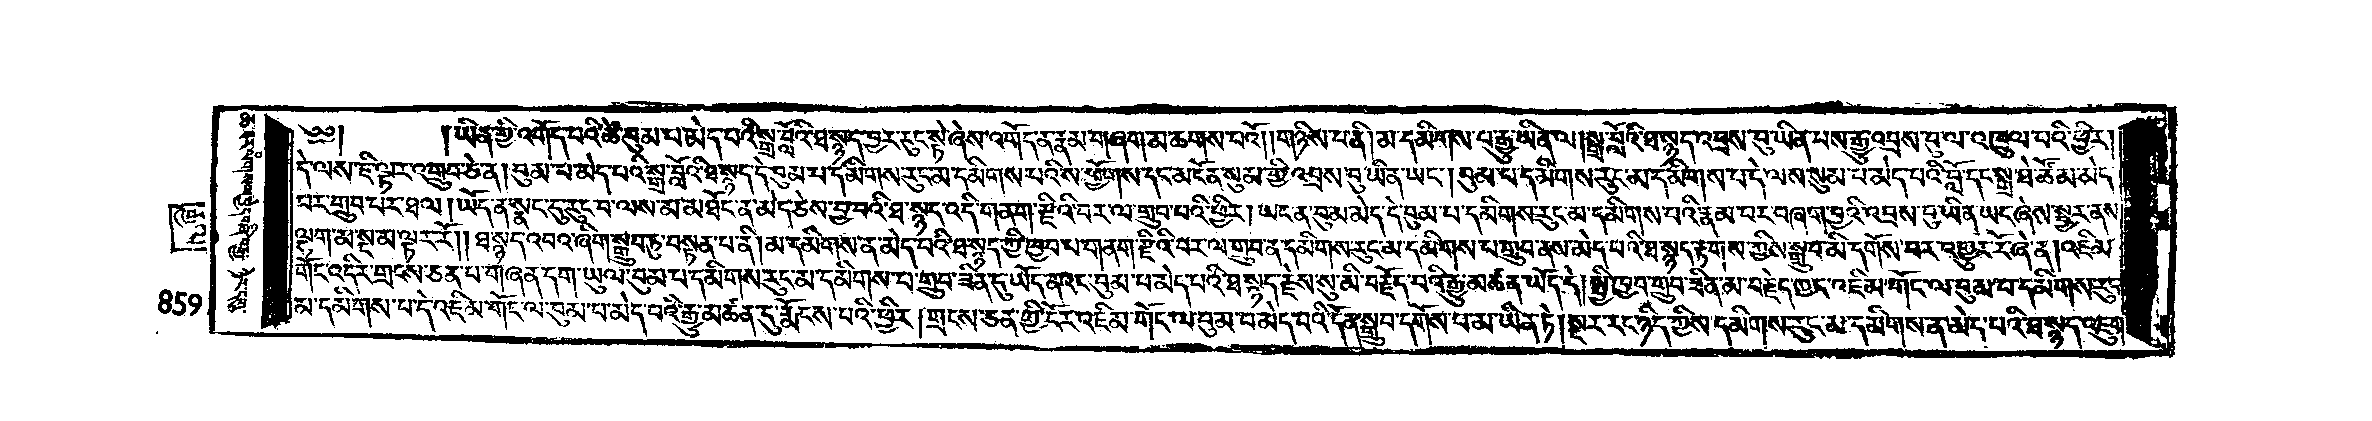༄༅། །ཡིན་གྱི་འགོད་པའི་ཚེ་བུམ་པ་མེད་པའི་སྒྲ་བློའི་ཐ་སྙད་བྱར་རུང་སྟེ་ཞེས་འགོད་ན་རྣམ་གཞག་མ་ཆགས་པའོ། །གཉིས་པ་ནི། མ་དམིགས་པ་རྒྱུ་ཡིན་ལ། སྒྲ་བློའི་ཐ་སྙད་འབྲས་བུ་ཡིན་པས་རྒྱུ་འབྲས་བུ་ལ་འཁྲུལ་པའི་ཕྱིར།
དེ་ལས་ཇི་ལྟར་འགྲུབ་ཅེ་ན། བུམ་པ་མེད་པའི་སྒྲ་བློའི་ཐ་སྙད་དེ་བུམ་པ་དམིགས་རུང་མ་དམིགས་པའི་ས་ཕྱོགས་དང་མངོན་སུམ་གྱི་འབྲས་བུ་ཡིན་ཡང་། བུམ་པ་དམིགས་རུང་མ་དམིགས་པ་དེ་ལས་སུམ་པ་མེད་པའི་བློ་དང་སྒྲ་ཐེ་ཚོམ་མེད་
པར་གྲུབ་པར་ཐལ། ཡོད་ན་སྣང་དུ་རུང་བ་ལས་མ་མཐོང་ན་མེད་ཅེས་བྱ་བའི་ཐ་སྙད་འདི་གནག་རྫིའི་བར་ལ་གྲུབ་པའི་ཕྱིར། ཡང་ན་བུམ་མེད་དེ་བུམ་པ་དམིགས་རུང་མ་དམིགས་པའི་རྣམ་པར་བཞག་བྱའི་འབྲས་བུ་ཡིན་ཡང་ཞེས་སྦྱར་ནས་
ལྷག་མ་སྔ་མ་ལྟར་རོ། །ཐ་སྙད་འབའ་ཞིག་སྒྲུབ་ཏུ་བསྟན་པ་ནི། མ་དམིགས་ན་མེད་པའི་ཐ་སྙད་ཀྱི་ཁྱབ་པ་གནག་རྫིའི་བར་ལ་གྲུབ་ན་དམིགས་རུང་མ་དམིགས་པ་གྲུབ་ནས་མེད་པའི་ཐ་སྙད་རྟགས་ཀྱིས་སྒྲུབ་མི་དགོས་པར་འགྱུར་རོ་ཞེ་ན། འཇིམ་
གོང་འདིར་གྲངས་ཅན་པ་གཞན་དག་ཡུལ་བུམ་པ་དམིགས་རུང་མ་དམིགས་པ་གྲུབ་ཟིན་དུ་ཡོད་ནའང་བུམ་པ་མེད་པའི་ཐ་སྙད་རྗེས་སུ་མི་བརྗོད་པའི་རྒྱུ་མཚན་ཡོད་དེ། སྤྱི་ཁྱབ་གྲུབ་ཟིན་མ་བརྗེད་ཀྱང་འཇིམ་གོང་ལ་བུམ་པ་དམིགས་རུང་
མ་དམིགས་པ་དེ་འཇིམ་གོང་ལ་བུམ་པ་མེད་པའི་རྒྱུ་མཚན་དུ་རྨོངས་པའི་ཕྱིར། གྲངས་ཅན་གྱི་ངོར་འཇིམ་གོང་ལ་བུམ་པ་མེད་པའི་དོན་སྒྲུབ་དགོས་པ་མ་ཡིན་ཏེ། སྔར་རང་ཉིད་ཀྱིས་དམིགས་རུང་མ་དམིགས་ན་མེད་པའི་ཐ་སྙད་འཇུག་